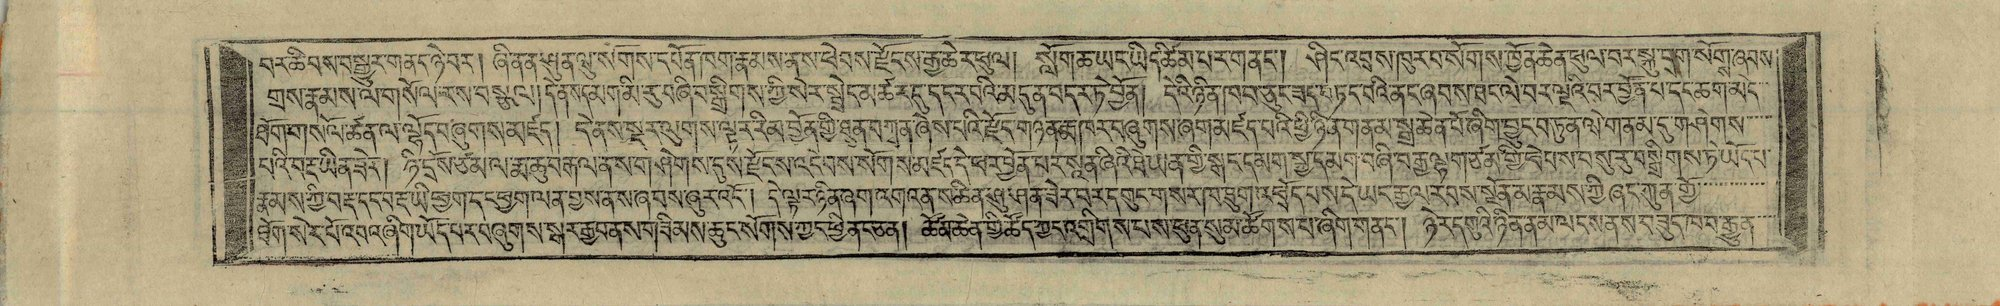བར་ཆིབས་བསྒྱུར་གནང་ཉེ་བར། ཞི་ནན་ཤུན་ཝུ་སོགས་དཔོན་ཁག་རྣམས་ནས་ཕེབས་རྫོངས་རྒྱ་ཆེར་ཕུལ། སློག་ཆ་ཡང་ཡིད་ཚིམ་པར་གནང་། ཤིང་འབྲས་ཁུར་བ་སོགས་ཁྱོན་ཆེན་ཕུལ་བར་སྐུ་དྲག་སོགས་ཞབས་
གྲས་རྣམས་ལ་གསོལ་རས་བསྩལ། དེ་ནས་དམག་མི་རུ་བཞི་བསྒྲིགས་ཀྱི་སེར་སྦྲེང་མཚར་དུ་དང་ར་བའི་མདུན་བདར་ཏེ་བྱོན། དེའི་ཉིན་ཁབ་ཅུང་ཟད་བཏང་བའི་ནང་ཞབས་ཐང་ལེ་བར་ལྔའི་བར་བྱོན་པ་དང་ཆག་མེད་
ཐོག་གསོལ་ཚན་ལ་ལྷོད་བཞུགས་མཛད། དེ་ནས་སྔར་ལུགས་ལྟར་རིམ་བྱོན་གྱི་ཐུན་བཀྭན་ཞེས་པའི་རྫོང་གཉན་རྨ་ཁར་བཞུགས་ཞག་མཛད་པའི་ཕྱི་ཉིན་གནམ་སྒྲ་ཆེན་པོ་ཞིག་བྱུང་བ་ཏུན་ཝེ་གནམ་དུ་གཤེགས་
པའི་བརྡ་ཡིན་ཟེར། ཉི་དྲོས་ཙམ་ལ་རྨ་ཆུ་བརྒལ་ནས་གཤེགས་དུས་རྫོངས་འདེབས་སོགས་མཛད་དེ་ཕར་བྱོན་པར་སཱན་ཞིའི་ཐེ་ཡན་གྱི་སྒང་དམག་སྐྱ་དམག་བཞི་བརྒྱ་ལྷག་ཙམ་གྱི་ཕེབས་བསུ་རུ་བསྒྲིགས་ཏེ་ཡོད་པ་
རྣམས་ཀྱི་བརྡ་དང་བརྡ་ཡི་ཕྱག་དང་ཕྱག་ལན་བྱས་ནས་ཞབས་ཞུར་འོང་། དེ་ལྟར་ཉིན་ཞག་འགའ་ནས་ཆིན་ཤུ་ཤན་ཟེར་བར་དགུང་གསར་ཁ་ཐུག་འཕྲོད་པས་དེ་ཡང་རྒྱལ་རབས་སྔོན་མ་རྣམས་ཀྱི་ཞང་ཀུན་གྱོ་
ཐོག་སེར་པོ་འབའ་ཞིག་ཡོད་པར་བཞུགས་སྒར་རྒྱབ་ནས་གཟིམས་ཆུང་སོགས་ཀྱང་ཕྱི་ནང་ཅན། ཚོམ་ཆེན་གྱི་ཚོད་ཀྱང་འགྲིགས་པས་ཕུན་སུམ་ཚོགས་པ་ཞིག་གནང་། ཉེར་དགུའི་ཉིན་ནམ་ལངས་ནས་བཟུང་ཁབ་རྒྱུན་